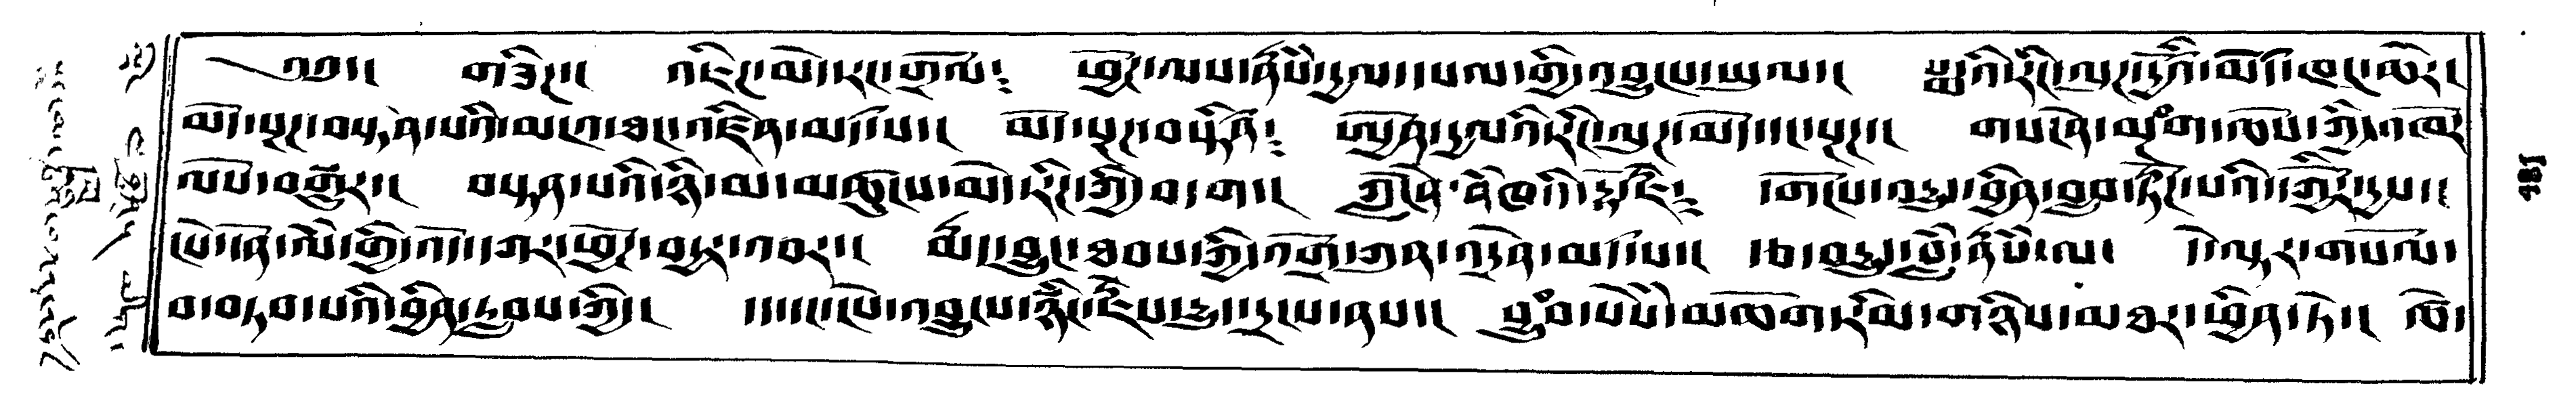གཟིགས། །འཇིགས་མེད་རང་གྲོལ༴ ཕྱོགས་ལས་རྣམ་རྒྱལ་དཔལ་གྱི་འབྱུང་གནས་ཡུལ། །པདྨའི་རིང་ལུགས་རྒྱ་མཚོའི་མཛོད་ཁང་ཆེར། །
མདོ་སྔགས་བསྟན་པའི་མངའ་ཐང་འཛིན་མཛད་པ། །མདོ་སྔགས་བསྟན་འཛིན༴ ཨོ་རྒྱན་རྒྱལ་བའི་རིང་ལུགས་མདོ་དང་སྔགས། །གསང་ཆེན་མན་ངག་ཆོས་ཀྱི་འཁོར་
ལོས་བསྒྱུར། །བསྟན་པའི་ཉི་མ་མཚུངས་མེད་རིགས་ཀྱི་བདག །ཀློང་ཆེན་ནམ་མཁའི་རྡོ་རྗེར༴ དགོངས་བརྒྱུད་བྱིན་རླབས་རྟོགས་པའི་དཀྱིལ་འཁོར་རྒྱས། 
ངེས་དོན་ལམ་གྱི་འོད་དཀར་ཕྱོགས་བརྒྱར་འབར། །རྨད་བྱུང་ཐབས་ཀྱིས་འགྲོ་ཀུན་འདྲེན་མཛད་པ། །རྩ་བརྒྱུད་བླ་རྣམས་ལ༴ དེ་ལྟར་གསོལ་
བ་བཏབ་པའི་བྱིན་རླབས་ཀྱིས། །དད་དང་ངེས་འབྱུང་སྙིང་རྗེས་རྒྱུད་དྲངས་ནས། །བྱང་ཆུབ་སེམས་མཆོག་རིམ་གཉིས་མཐར་ཕྱིན་ཏེ། །ཚེ་